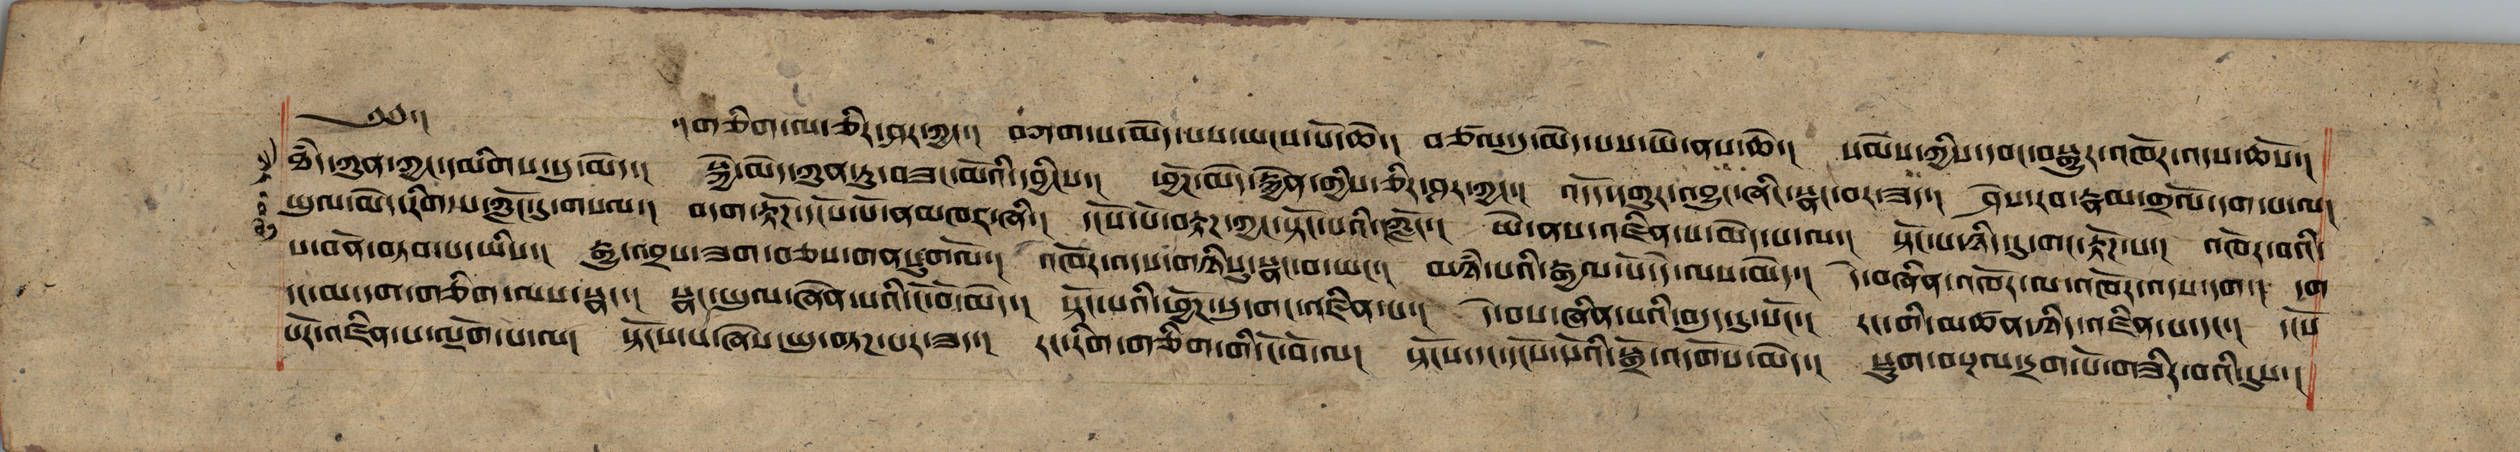༄༅་། ་།གཅིག་ལ་ཅིར་ཤར་ཀྱང་། བཀའ་པ་མེད་པས་ཡངས་པོ་ཆེ་། བཙལ་དུ་མེད་པས་ཡེ་ནས་ཆེ་། སེམས་ཀྱིས་དབང་བསྒྱུར་འཁོར་འདས་ཆོས་།
ཐཾད་ཀུན་ཀྱང་དམིགས་སུ་མེད་། སྐྱེ་མེད་ཀུན་ཏུ་བཟང་མོའི་དབྱིངས་། ཕྱོཌ་མེད་རྐྱེན་གྱིས་ཅིར་ཤར་ཀྱང་། འདོད་དགུར་འབྱུང་ཞིང་སྣང་བར་ཟད་། ཤེས་རབ་རྣམ་གྲོལ་དག་པ་ལ།
ཡུལ་མེད་རིག་པ་ཀློང་དུ་གསལ་། བདག་རྟོཌ་དངོས་པོ་ནམཁར་ཞི་། དངོས་པོ་བརྟཌ་ཀྱང་སྟོང་པའི་ཀློང་། ཡེ་ནས་འཛིན་པ་མེད་པ་ལ་། སྟོང་པ་ཉིད་དུ་གང་རྟོཌ་པ་། འཁོར་བའི་
ས་བོན་བཏབ་པ་ཡིས་། རྒྱུ་འབྲས་ཟག་བཅས་གནསུགལོ་། འཁོར་འདས་གཉིསུ་སྣང་བ་ཡང་། མཉཾ་པའི་རྒྱལ་པོ་དེ་ལས་མེད་། དེ་བཞིན་འཁོར་ལ་འཁོར་འདས་དག་། དག
དང་མ་དག་གཅིག་ལས་སྣང་། སྣང་ཡུལ་ཞེན་པའི་ངོ་བོ་མེད་། སྟོང་པའི་ཕྱོཌ་སུ་གང་འཛིན་པ་། དེ་བས་ཞིན་པའི་བདུད་དུ་སོང་། རང་གི་མཚན་ཉིད་འཛིན་པ་དང་། དངོས
པོར་འཛིན་པ་ལྡོག་པ་ལ་། སྟོངས་པ་ཞེས་ཡུ་བཏཌ་པར་ཟད་། རང་རིག་གཅིག་གི་ངོ་བོ་ལ། སྟོངས་དང་དངོས་པོའི་སྒྲོ་འདོགས་མེད་། སྡུག་བསྔལ་དྲག་པོ་གཟིར་བའི་དུས་།